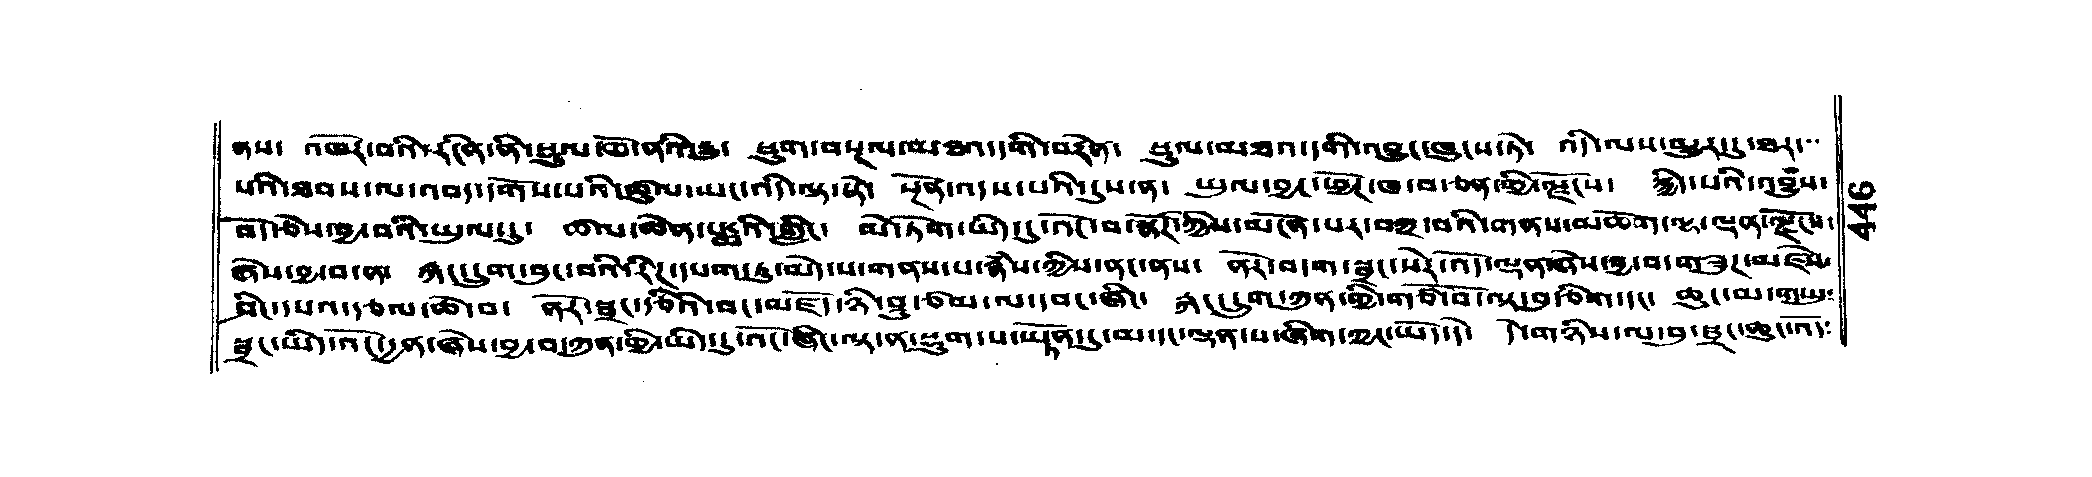ནས། འཁོར་བའི་རང་བཞིན་ནི་སྡུག་བསྔལ་ཁོ་ནའི་རྒྱུ། སྡུག་བསྔལ་མཐའ་དག་གི་བརྟེན། སྡུག་བསྔལ་མཐའ་དག་གི་འབྱུང་ཁུངས་ཏེ། འདི་ལས་མྱུར་དུ་ཐར་
པའི་ཐབས་ལ་འབད་དགོས་པའི་ཚུལ་ཡང་འདི་ལྟ་སྟེ། སྔོན་འདས་པའི་དུས་ན། ཡུལ་བྱང་ཕྱོགས་ཁ་བ་ཅན་གྱི་ལྗོངས། སྐྱིད་པའི་འབྱུང་གནས་
བོད་ཅེས་བྱ་བའི་ཡུལ་དུ། ཚལ་ཆེན་པདྨའི་གླིང་། མེ་ཏོག་ཡིད་དུ་འོང་བ་སྣ་ཚོགས་ཀྱིས་མངོན་པར་བཀྲ་བའི་གནས་མཆོག་ལྷ་ལྡན་ལྗོངས་
ཞེས་བྱ་བ་ན། རྐང་དྲུག་བུང་བའི་རིགས་དཔག་ཏུ་མེད་པ་གནས་པ་རྣམས་ཀྱིས་ནང་ནས། ནོར་བདག་སྦྲང་སེར་འོད་ལྡན་ཞེས་བྱ་བ་གཟུགས་མཛེས་
ཤིང་དཔའ་རྩལ་ཆེ་བ། ནོར་སྦྲང་རྩིའི་བང་མཛོད་ཉི་ཤུ་ཙམ་ལ་དབང་ཞིང་། རྐང་དྲུག་ཀུན་གྱི་གཙོ་བོ་ལྟ་བུ་ཞིག་དང་། ཆུང་མ་གཡུ་
སྦྲང་ཡིད་འོང་རྒྱན་ཞེས་བྱ་བ་ཀུན་གྱི་ཡིད་དུ་འོང་ཞིང་ལྟ་ན་སྡུག་པ་ཡོན་ཏན་དུ་མ་དང་ལྡན་པ་ཞིག་ཀྱང་ཡོད་དེ། དེ་གཉིས་ལ་བུ་སྦྲང་ཆུང་འོད་